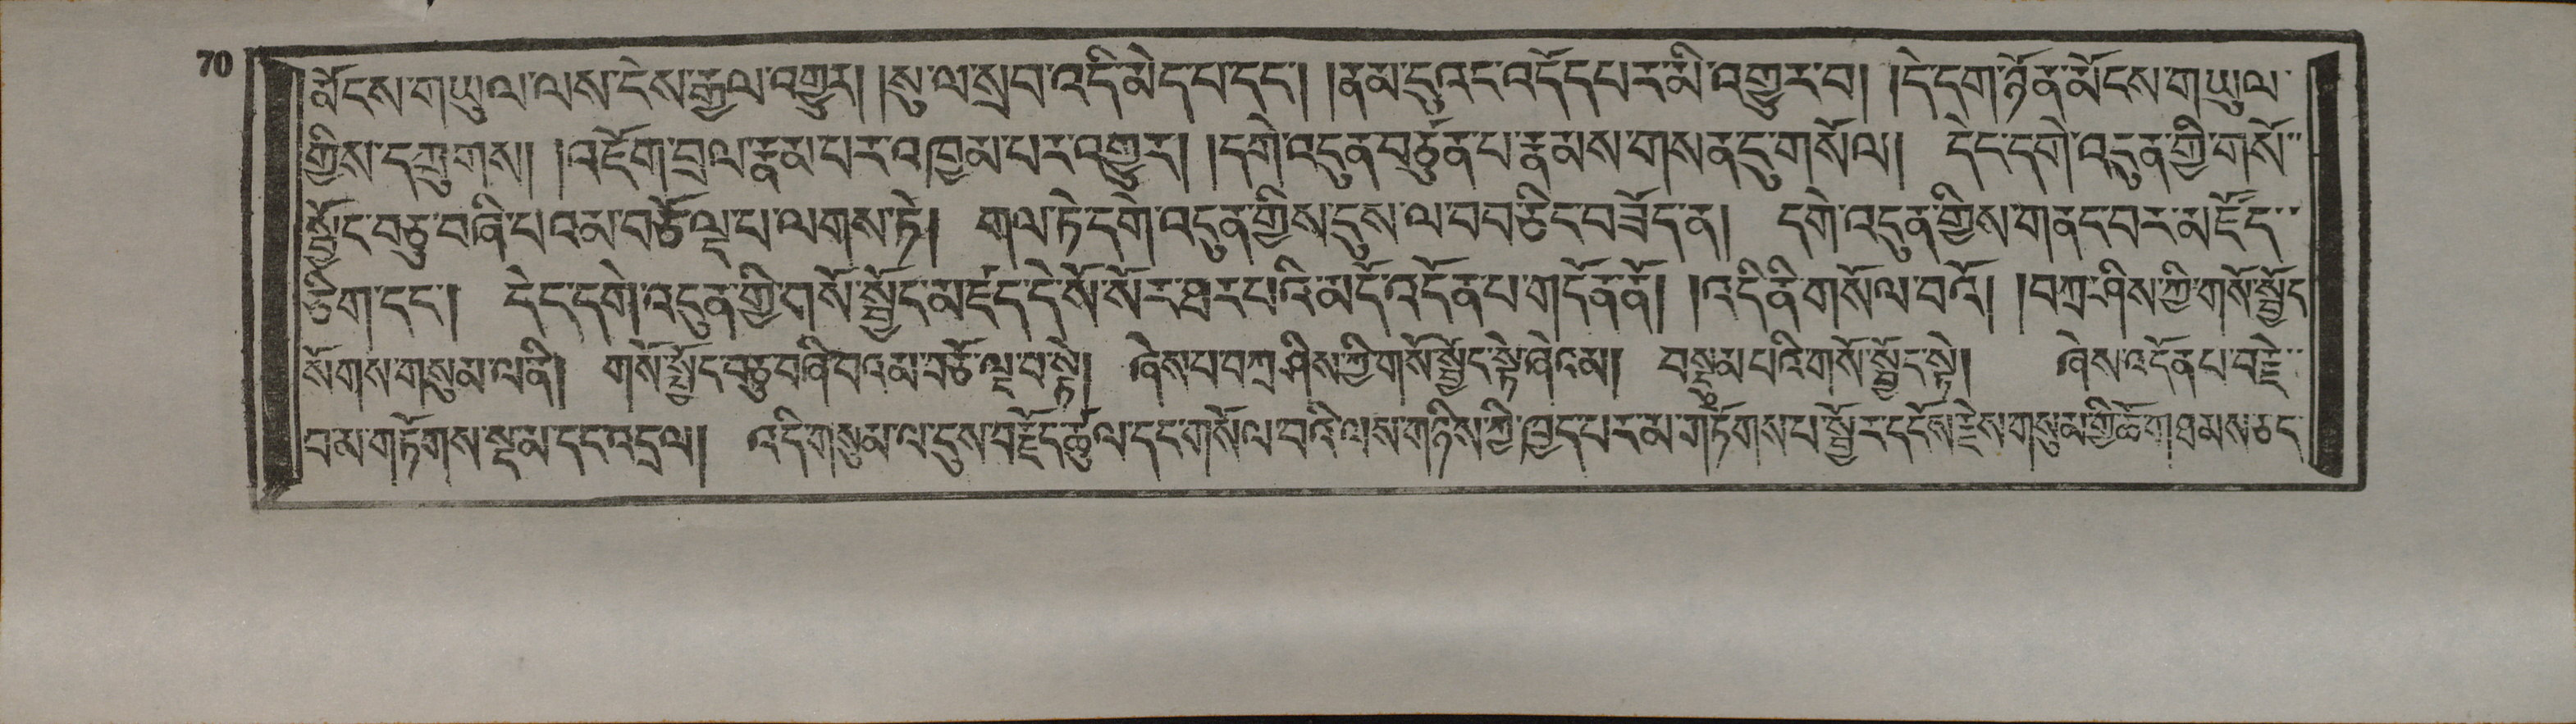མོངས་གཡུལ་ལས་ངེས་རྒྱལ་འགྱུར། །སུ་ལ་སྲབ་འདི་མེད་པ་དང་། །ནམ་དུའང་འདོད་པར་མི་འགྱུར་བ། །དེ་དག་ཉོན་མོངས་གཡུལ་
གྱིས་དཀྲུགས། །འཇོག་བྲལ་རྣམ་པར་འཁྱམ་པར་འགྱུར། །དགེ་འདུན་བཙུན་པ་རྣམས་གསན་དུ་གསོལ། དེང་དགེ་འདུན་གྱི་གསོ་
སྦྱོང་བཅུ་བཞི་པའམ་བཅོ་ལྔ་པ་ལགས་ཏེ། གལ་ཏེ་དགེ་འདུན་གྱིས་དུས་ལ་བབ་ཅིང་བཟོད་ན། དགེ་འདུན་གྱིས་གནང་བར་མཛོད་
ཅིག་དང་། དེང་དགེ་འདུན་གྱི་གསོ་སྦྱོང་མཛད་དེ་སོ་སོར་ཐར་པའི་མདོ་འདོན་པ་གདོན་ནོ། །འདི་ནི་གསོལ་བའོ། །བཀྲ་ཤིས་ཀྱི་གསོ་སྦྱོང་
སོགས་གསུམ་ལ་ནི། གསོ་སྦྱོང་བཅུ་བཞི་བའམ་བཅོ་ལྔ་པ་སྟེ། ཞེས་པ་བཀྲ་ཤིས་ཀྱི་གསོ་སྦྱོང་སྟེ་ཞེའམ། བསྡུམ་པའི་གསོ་སྦྱོང་སྟེ། ཞེས་འདོན་པ་བརྡེ་
བ་མ་གཏོགས་སྔ་མ་དང་འདྲ་ལ། འདི་གསུམ་ལ་དུས་བརྗོད་ཚུལ་དང་གསོལ་བའི་ལས་གཉིས་ཀྱི་ཁྱད་པར་མ་གཏོགས་པ་སྦྱོར་དངོས་རྗེས་གསུམ་གྱི་ཆོ་ག་ཐམས་ཅད་